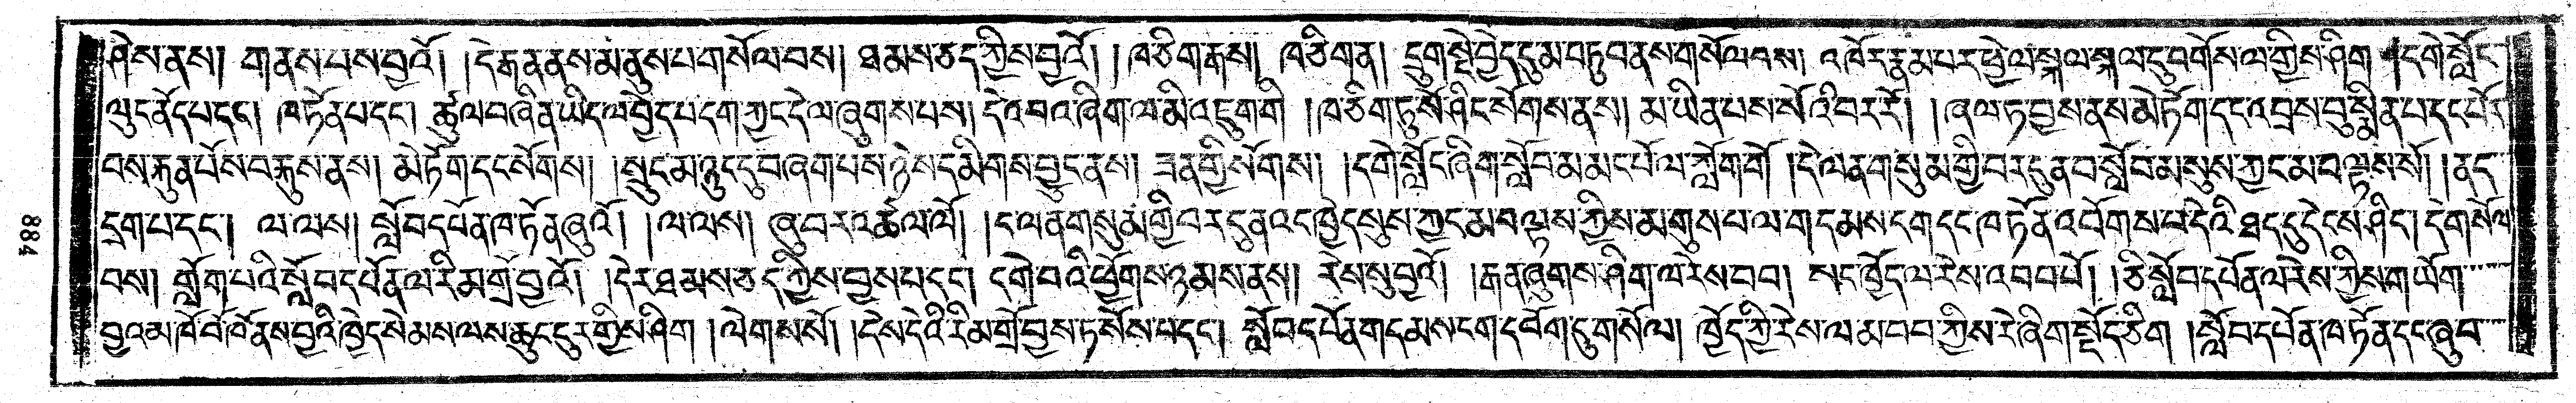ཤེས་ནས། གནས་པས་བྱའོ། །དེ་རྒན་ནས་མ་ནུས་པ་གསོལ་བས། ཐམས་ཅད་ཀྱིས་བྱའོ། །ཁ་ཅིག་རྒས། ཁ་ཅིག་ན། དྲུག་སྡེ་བྱེད་དུ་མ་བཏུབ་ནས་གསོལ་བས། འཁོར་རྣམ་པར་ཕྱེ་ལ་སྐལ་སྐལ་དུ་བགོས་ལ་གྱིས་ཤིག །དགེ་སློང་
ལུང་ནོད་པ་དང་། ཁ་ཏོན་པ་དང་། ཚུལ་བཞིན་ཡིད་ལ་བྱེད་པ་དག་ཀྱང་དེ་ལ་ཞུགས་པས། དེ་འབའ་ཞིག་ལ་མི་འཇུག་གི །ཁ་ཅིག་ཏུ་སོ་ཤིང་སོགས་ནས། མ་ཡིན་པས་སོའི་བར་རོ། །ཞལ་ཏ་བྱས་ནས་མེ་ཏོག་དང་འབྲས་བུ་སྨིན་པ་དང་པོར་
བས་རྐུན་པོས་བརྐུས་ནས། མེ་ཏོག་དང་སོགས། །སྲུང་མ་ཉུང་དུ་བཞག་པས་ཉེས་དམིགས་བྱུང་ནས། ཟན་གྱི་སོགས། །དགེ་སློང་ཞིག་སློབ་མ་མང་པོ་ལ་ཀློག་གོ །དེ་ལན་གསུམ་གྱི་བར་དུན་བ་སློབ་མ་སུས་ཀྱང་མ་བལྟས་སོ། །ནད་
དྲག་པ་དང་། ལ་ལས། སློབ་དཔོན་ཁ་ཏོན་ཞུའོ། །ལ་ལས། ཞུ་བར་འཚལ་ལོ། །ང་ལན་གསུམ་གྱི་བར་དུ་ནའང་ཁྱེད་སུས་ཀྱང་མ་བལྟས་ཀྱིས་མ་གུས་པ་ལ་གདམས་དག་དང་ཁ་ཏོན་འབྒོགས་བ་དེའི་ཐད་དུ་དེངས་ཤིང་། དེ་སོལ་
བས། གློག་པའི་སློབ་དཔོན་ལ་རིམ་གྲོ་བྱའོ། །དེར་ཐམས་ཅད་ཀྱིས་བྱས་པ་དང་། དགེ་བའི་ཕྱོགས་ཉམས་ནས། རེས་སུ་བྱའོ། །རྒན་ཞུགས་ཤིག་ལ་རེས་བབ། སང་ཁྱོད་ལ་རེས་འབབ་བོ། །ཅི་སློབ་དཔོན་ལ་རེས་ཀྱིས་གཡོག་
བྱའམ་ཁོ་བོ་ཁོ་ནས་བྱའི་ཁྱེད་སེམས་ལས་ཆུང་ངུར་གྱིས་ཤིག །ལེགས་སོ། །དེས་དེའི་རིམ་གྲོ་བྱས་ཏ་སོས་པ་དང་། སློབ་དཔོན་གདམས་ངག་དབོག་དུ་གསོལ། ཁྱོད་ཀྱི་རེས་ལ་མ་བབ་ཀྱིས་རེ་ཞིག་སྡོད་ཅིག །སློབ་དཔོན་ཁ་ཏོན་དང་ཞུ་བ་